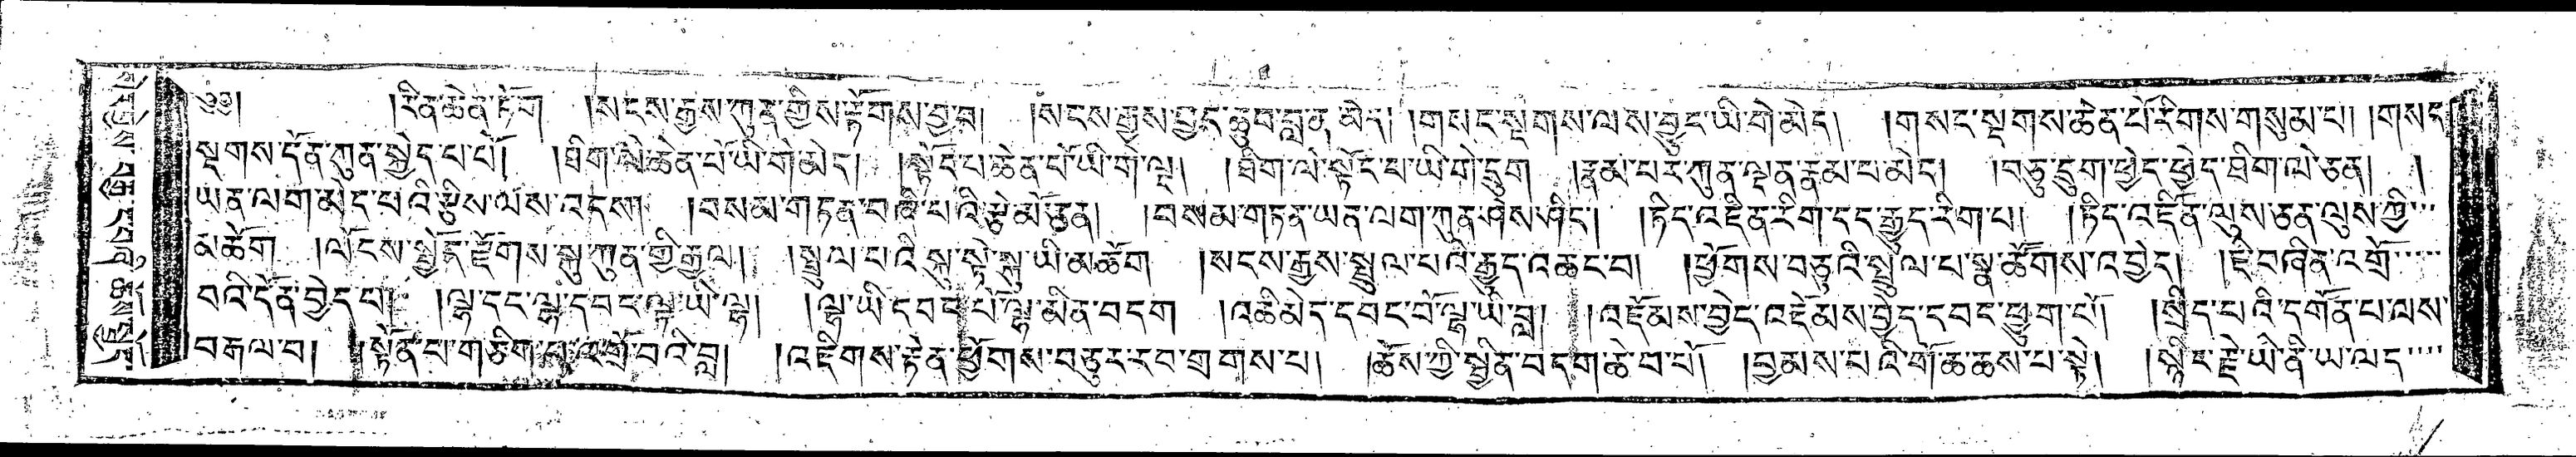༄༅། །རིན་ཆེན་ཏོག །སངས་རྒྱས་ཀུན་གྱིས་རྟོགས་བྱ་བ། །སངས་རྒྱས་བྱང་ཆུབ་བླ་ན་མེད། །གསང་སྔགས་ལས་བྱུང་ཡི་གེ་མེད། །གསང་སྔགས་ཆེན་པོ་རིགས་གསུམ་པ། །གསང་
སྔགས་དོན་ཀུན་སྐྱེད་པ་པོ། །ཐིག་ལེ་ཆེན་པོ་ཡི་གེ་མེད། །སྟོང་པ་ཆེན་པོ་ཡི་གེ་ལྔ། །ཐིག་ལེ་སྟོང་པ་ཡི་གེ་དྲུག །རྣམ་པར་ཀུན་ལྡན་རྣམ་པ་མེད། །བཅུ་དྲུག་ཕྱེད་ཕྱེད་ཐིག་ལེ་ཅན། །
ཡན་ལག་མེད་པའི་རྩིས་ལས་འདས། །བསམ་གཏན་བཞི་པའི་རྩེ་མོ་ཅན། །བསམ་གཏན་ཡན་ལག་ཀུན་ཤེས་ཤིང་། །ཏིང་འཛིན་རིག་དང་རྒྱུད་རིག་པ། །ཏིང་འཛིན་ལུས་ཅན་ལུས་ཀྱི་
མཆོག །ལོངས་སྤྱོད་རྫོགས་སྐུ་ཀུན་གྱི་རྒྱལ། །སྤྲུལ་པའི་སྐུ་སྟེ་སྐུ་ཡི་མཆོག །སངས་རྒྱས་སྤྲུལ་པའི་རྒྱུད་འཆང་བ། །ཕྱོགས་བཅུའི་སྤྲུལ་པ་སྣ་ཚོགས་འབྱེད། །ཇི་བཞིན་འགྲོ་
བའི་དོན་བྱེད་པ། །ལྷ་དང་ལྷ་དབང་ལྷ་ཡི་ལྷ། །ལྷ་ཡི་དབང་པོ་ལྷ་མིན་བདག །འཆི་མེད་དབང་པོ་ལྷ་ཡི་བླ། །འཇོམས་བྱེད་འཇོམས་བྱེད་དབང་ཕྱུག་པོ། །སྲིད་པའི་དགོན་པ་ལས་
བརྒལ་བ། །སྟོན་པ་གཅིག་པུ་འགྲོ་བའི་བླ། །འཇིགས་རྟེན་ཕྱོགས་བཅུར་རབ་གྲགས་པ། །ཆོས་ཀྱི་སྦྱིན་བདག་ཆེ་བ་པོ། །བྱམས་པའི་གོ་ཆ་ཆས་པ་སྟེ། །སྙིང་རྗེ་ཡི་ནི་ཡ་ལད་